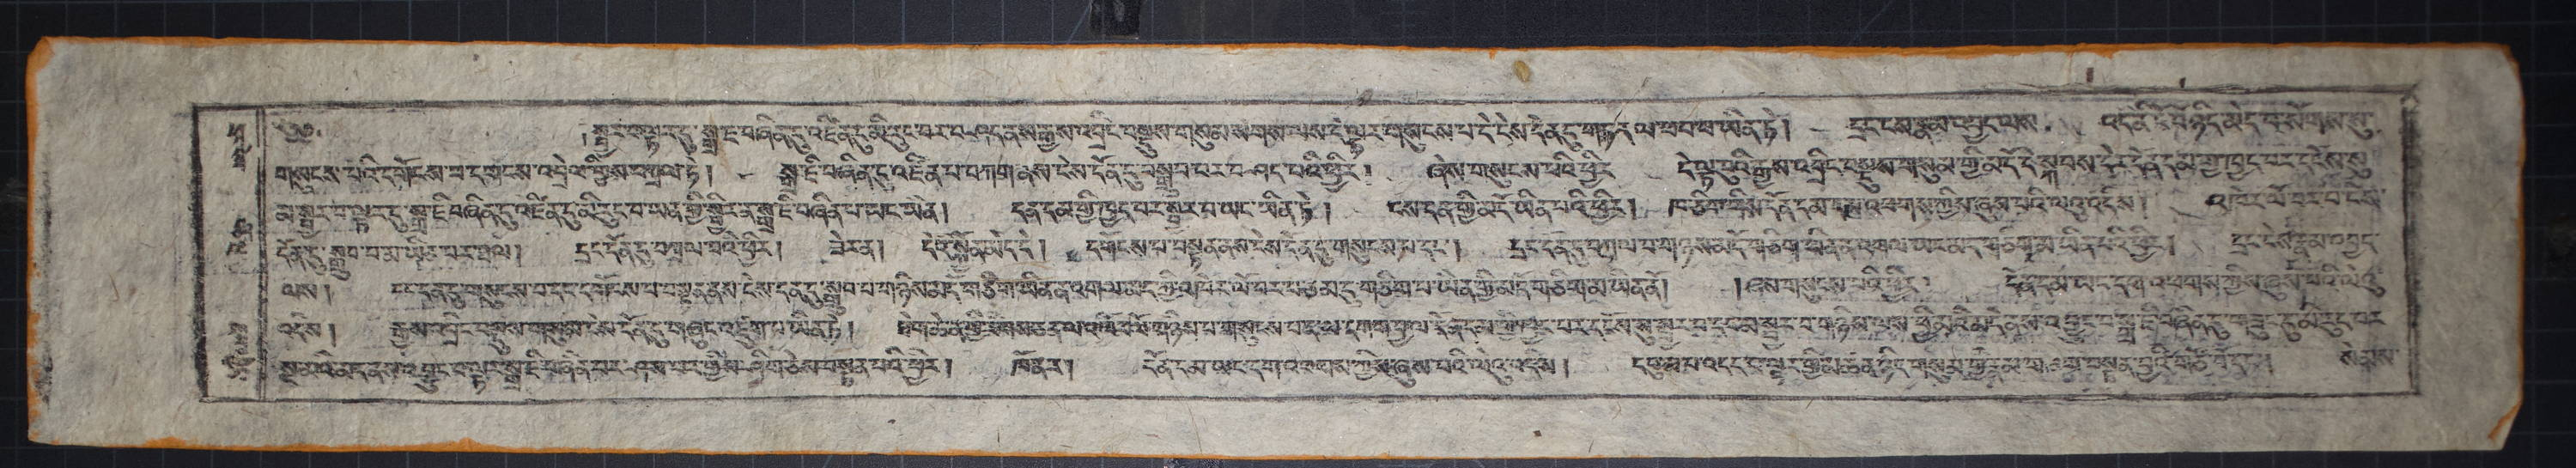༄༅། །སྦྱར་བ་ལྟར་དུ་སྒྲ་ཇི་བཞིན་དུ་འཛིན་དུ་མི་རུང་བར་བཤད་ནས་རྒྱས་འབྲིང་བསྡུས་གསུམ་སོགས་ལས་དེ་ལྟར་གསུངས་པ་དེ་ངེས་དོན་དུ་གཏན་ལ་ཕབ་པ་ཡིན་ཏེ། དྲང་ངེས་རྣམ་འབྱེད་ལས། འདི་ནི་ངོ་བོ་ཉིད་མེད་པ་སོགས་སུ་
གསུངས་པའི་དགོངས་པ་དགོངས་འགྲེལ་གྱིས་བཀྲལ་ཏེ། སྒྲ་ཇི་བཞིན་དུ་འཛིན་པ་བཀག་ནས་ངེས་དོན་དུ་བསྒྲུབ་པར་བཤད་པའི་ཕྱིར། ཞེས་གསུངས་པའི་ཕྱིར། དེ་ལྟ་བུའི་རྒྱས་འབྲིང་བསྡུས་གསུམ་གྱི་མདོ་དེ་སྐབས་དེར་དོན་དམ་གྱི་ཁྱད་པར་དངོས་སུ་
མ་སྦྱར་བ་ལྟར་དུ་སྒྲ་ཇི་བཞིན་དུ་འཛིན་དུ་མི་རུང་བ་ཡིན་གྱི་སྤྱིར་ན་སྒྲ་ཇི་བཞིན་པ་ཡང་ཡིན། དོན་དམ་གྱི་ཁྱད་པར་སྦྱར་བ་ཡང་ཡིན་ཏེ། ངེས་དོན་གྱི་མདོ་ཡིན་པའི་ཕྱིར། ཁ་ཅིག་གིས་དོན་དམ་ཡང་དག་འཕགས་ཀྱིས་ཞུས་པའི་ལེའུ་འདིས། འཁོར་ལོ་བར་པ་ངེས་
དོན་དུ་སྒྲུབ་པ་མ་ཡིན་པར་ཐལ། དྲང་དོན་དུ་བཀྲལ་བའི་ཕྱིར། ཟེར་ན། དེའི་སྐྱོན་མེད་དེ། དགོངས་པ་བསྟན་ནས་ངེས་དོན་དུ་གསུངས་པ་དང་། དྲང་དོན་དུ་བཀྲལ་བ་གཉིས་མདོ་གཅིག་ཡིན་ན་འགལ་ཡང་མདོ་གཅིག་མ་ཡིན་པའི་ཕྱིར། དྲང་ངེས་རྣམ་འབྱེད་
ལས། དྲང་དོན་དུ་གསུངས་པ་དང་དགོངས་པ་བསྟན་ནས་ངེས་དོན་དུ་སྒྲུབ་པ་གཉིས་མདོ་གཅིག་ཡིན་ན་འགལ་མོད་ཀྱི་འཁོར་ལོ་བར་པ་ཙམ་དུ་གཅིག་པ་ཡིན་གྱི་མདོ་གཅིག་མ་ཡིན་ནོ། །ཞེས་གསུངས་པའི་ཕྱིར། དོན་དམ་ཡང་དག་འཕགས་ཀྱིས་ཞུས་པའི་ལེའུ་
འདིས། རྒྱས་འབྲིང་བསྡུས་གསུམ་ངེས་དོན་དུ་གཞུང་འཛུག་པ་ཡིན་ཏེ། ཐེག་ཆེན་གྱི་རིགས་ཅན་ལ་འཁོར་ལོ་གཉིས་པ་གསུངས་པ་དེ་ལ་དགག་བྱ་ལ་དོན་དམ་གྱི་ཁྱད་པར་དངོས་སུ་སྦྱར་བ་དང་མ་སྦྱར་བ་གཉིས་ལས་ཕྱི་མའི་མདོ་ནས་འབྱུང་བ་སྒྲ་ཇི་བཞིན་དུ་གཟུང་དུ་མི་རུང་བར་
སྔ་མའི་མདོ་ནས་འབྱུང་བ་ལྟར་སྒྲ་ཇི་བཞིན་པར་ཤེས་པར་གྱིས་ཤིག་ཅེས་བསྟན་པའི་ཕྱིར། ཁོ་ན་རེ། དོན་དམ་ཡང་དག་འཕགས་ཀྱིས་ཞུས་པའི་ལེའུ་འདིས། དབུ་མ་པ་འདོད་པ་ལྟར་གྱི་མཚན་ཉིད་གསུམ་གྱི་རྣམ་གཞག་བསྟན་བྱའི་གཙོ་བོ་དང་། སེམས་